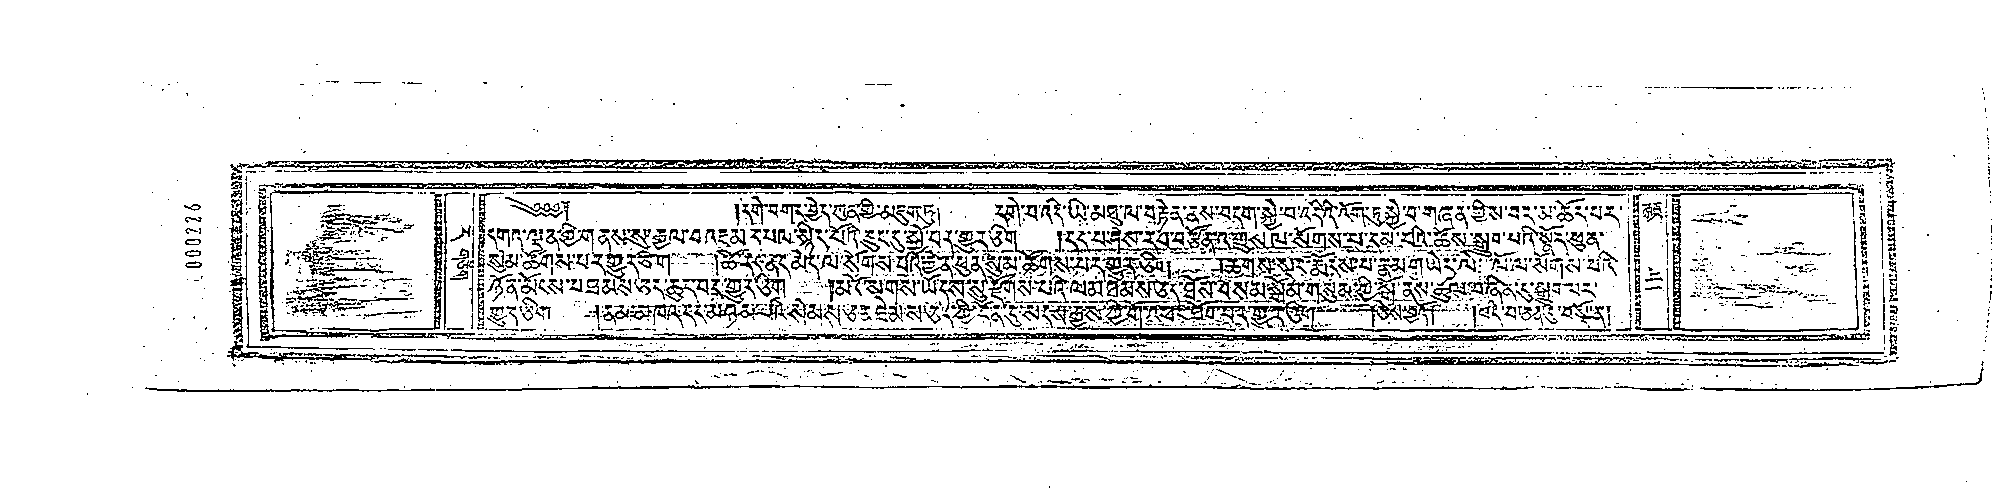༄༅༅། །དགེ་བ་གང་བྱེད་ཀུན་གྱི་མཇུག་ཏུ། དགེ་བ་འདི་ཡི་མཐུ་ལ་བརྟེན་ནས་བདག་སྐྱེ་བ་འདིའི་འོག་ཏུ་སྐྱེ་བ་གཞན་གྱིས་བར་མ་ཆོད་པར་
དགའ་ལྡན་གྱི་གནས་སུ་རྒྱལ་བ་འཇམ་དཔལ་སྙིང་པོའི་དྲུང་དུ་སྐྱོ་བར་གྱུར་ཅིག །དད་པ་ཤེས་རབ་བརྩོན་འགྲུས་ལ་སོགས་པ་དམ་པའི་ཆོས་སྒྲུབ་པའི་སྣོད་ཕུན་
སུམ་ཚོགས་པར་གྱུར་ཅིག །ཚེ་རིང་ནད་མེད་ལ་སོགས་པའི་རྐྱེན་ཕུན་སུམ་ཚོགས་པར་གྱུར་ཅིག །ཆགས་སྡང་རྨོངས་པ་རྣམ་གཡེང་ལེ་ལོ་ལ་སོགས་པའི་
ཉོན་མོངས་པ་ཐམས་ཅད་ཆུང་བར་གྱུར་ཅིག །མདོ་སྔགས་ཡོངས་སུ་རྫོགས་པའི་ལམ་ཐམས་ཅད་ཐོས་བསམ་སྒོམ་གསུམ་གྱི་སྒོ་ནས་ཚུལ་བཞིན་དུ་སྒྲུབ་པར་
གྱུར་ཅིག །ནམ་མཁའ་དང་མཉམ་པའི་སེམས་ཅན་ཐམས་ཅད་ཀྱི་དོན་དུ་སངས་རྒྱས་ཀྱི་གོ་འཕང་ཐོབ་པར་གྱུར་ཅིག །ཅེས་བྱའོ། །བདེ་བ་ཅན་དུ་བསྔོ་ན།